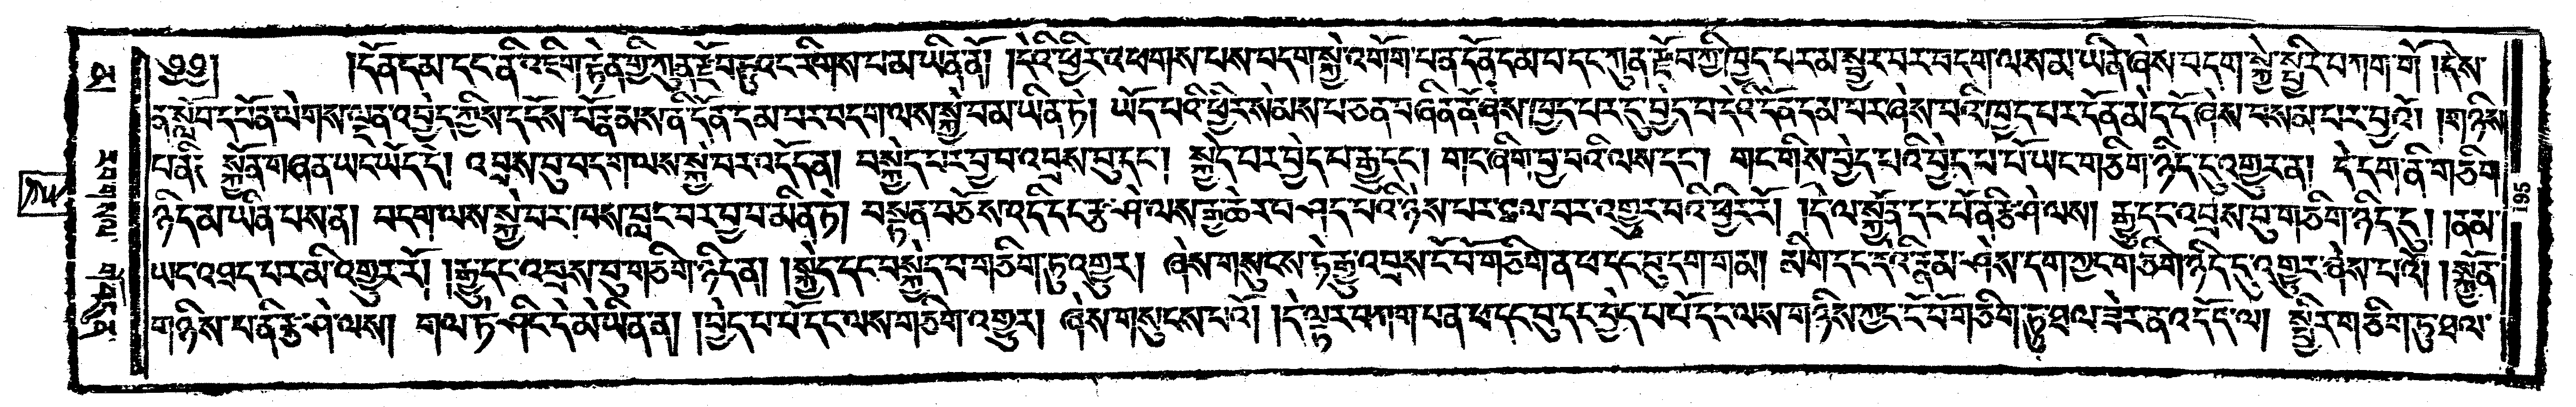༄༅། །དོན་དམ་དང་ནི་འཇིག་རྟེན་གྱི་ཀུན་རྫོབ་ཏུའང་རིགས་པ་མ་ཡིན་ནོ། །དེའི་ཕྱིར་འཕགས་པས་བདག་སྐྱེ་འགོག་པ་ན་དོན་དམ་པ་དང་ཀུན་རྫོབ་ཀྱི་ཁྱད་པར་མ་སྦྱར་བར་བདག་ལས་མ་ཡིན་ཞེས་བདག་སྐྱེ་སྤྱིར་བཀག་གོ །དེས་
ན་སློབ་དཔོན་ལེགས་ལྡན་འབྱེད་ཀྱིས་དངོས་པོ་རྣམས་ནི་དོན་དམ་པར་བདག་ལས་སྐྱེ་བ་མ་ཡིན་ཏེ། ཡོད་པའི་ཕྱིར་སེམས་པ་ཅན་བཞིན་ནོ་ཞེས་ཁྱད་པར་དུ་བྱེད་པ་དེའི་དོན་དམ་པར་ཞེས་པའི་ཁྱད་པར་དོན་མེད་དོ་ཞེས་བསམ་པར་བྱའོ། །གཉིས་
པ་ནི། སྐྱོན་གཞན་ཡང་ཡོད་དེ། །འབྲས་བུ་བདག་ལས་སྐྱེ་བར་འདོད་ན། བསྐྱེད་པར་བྱ་བ་འབྲས་བུ་དང་། སྐྱེད་པར་བྱེད་པ་རྒྱུ་དང་། གང་ཞིག་བྱ་བའི་ལས་དང་། གང་གིས་བྱེད་པའི་བྱེད་པ་པོ་ཡང་གཅིག་ཉིད་དུ་འགྱུར་ན། དེ་དག་ནི་གཅིག་
ཉིད་མ་ཡིན་པས་ན། བདག་ལས་སྐྱེ་བར་ཁས་བླང་བར་བྱ་བ་མིན་ཏེ། བསྟན་བཅོས་འདི་དང་རྩ་ཤེ་ལས་རྒྱ་ཆེར་བཤད་པའི་ཉེས་པར་ཐལ་བར་འགྱུར་བའི་ཕྱིར་རོ། །དེ་ལ་སྐྱོན་དང་པོ་ནི་རྩ་ཤེ་ལས། རྒྱུ་དང་འབྲས་བུ་གཅིག་ཉིད་དུ། །ནམ་
ཡང་འཐད་པར་མི་འགྱུར་རོ། །རྒྱུ་དང་འབྲས་བུ་གཅིག་ཉིད་ན། །སྐྱེད་དང་བསྐྱེད་པ་གཅིག་ཏུ་འགྱུར། ཞེས་གསུངས་ཏེ་རྒྱུ་འབྲས་ངོ་བོ་གཅིག་ན་ཕ་དང་བུ་དག་གམ། མིག་དང་དེའི་རྣམ་ཤེས་དག་ཀྱང་གཅིག་ཉིད་དུ་འགྱུར་ཞེས་པའོ། །སྐྱོན་
གཉིས་པ་ནི་རྩ་ཤེ་ལས། གལ་ཏེ་ཤིང་དེ་མེ་ཡིན་ན། །བྱེད་པ་པོ་དང་ལས་གཅིག་འ་གྱུར། ཞེས་གསུངས་པའོ། །དེ་ལྟར་བཀག་པ་ན་ཕ་དང་བུ་དང་བྱེད་པ་པོ་དང་ལས་གཉིས་ཀྱང་ངོ་བོ་གཅིག་ཏུ་ཐལ་ཟེར་ན་འདོད་ལ། སྤྱིར་གཅིག་ཏུ་ཐལ་